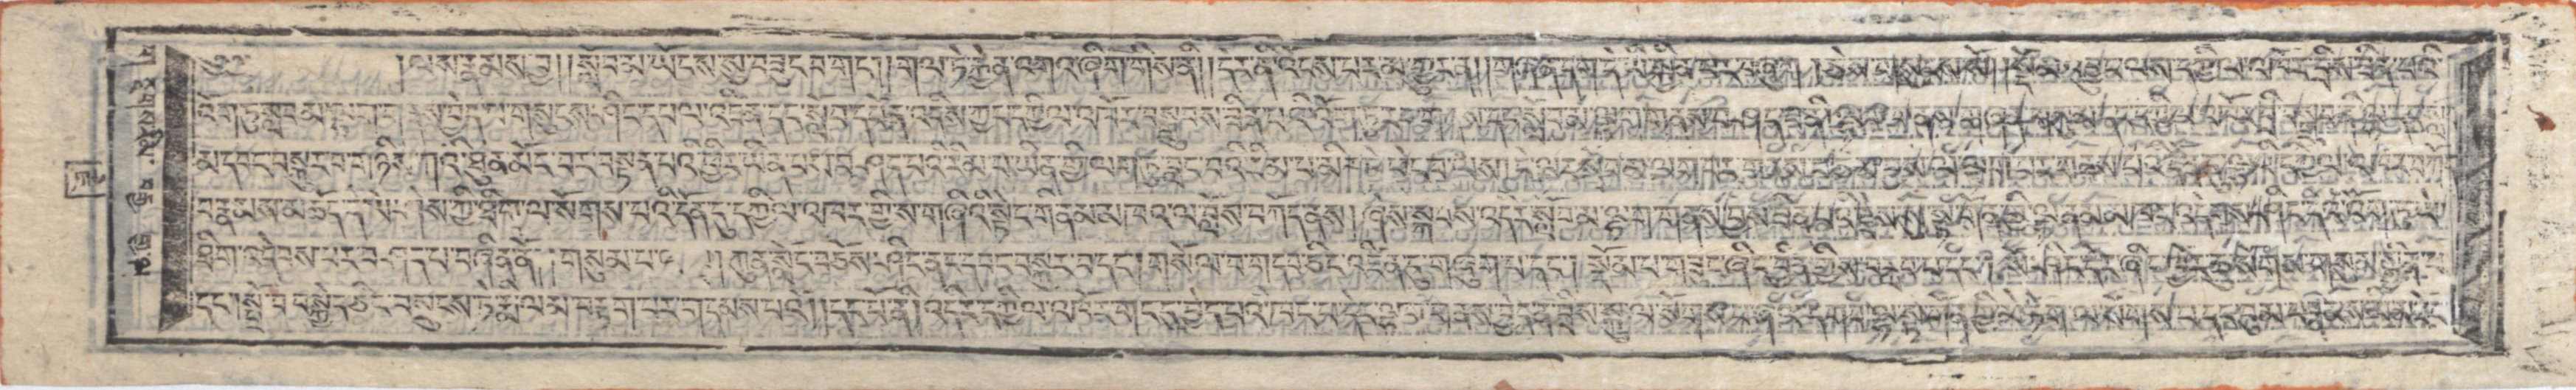༄༅། །ལས་རྣམས་བྱ། །སློབ་མ་ཡོངས་སུ་བཟུང་བ་གང་། །གལ་ཏེ་རྐྱེན་འགའ་ཞིག་གིས་ནི། །དེར་ནི་འོངས་པར་མ་གྱུར་ན། །གཞན་དག་དེ་ཡི་སྐྱིན་པར་བཞུག །ཅེས་གསུངས་སོ། །སྡོམ་འབྱུང་ལས་དཀྱིལ་འཁོར་བྲིས་ཟིན་པའི་
འོག་ཏུ་སློབ་མ་ལྷག་གནས་བྱེད་པ་གསུངས་ཤིང་དཔལ་འཛིན་དང་སློབ་དཔོན་འདིས་ཀྱང་དཀྱིལ་འཁོར་བསྒྲུབས་ཟིན་པའི་འོག་ཏུ་རབ་གནས་དང་སློབ་མ་ལྷག་གནས་བཤད་པ་ནི། ལྷག་གནས་གཞན་གསུམ་དང་དཀྱིལ་འཁོར་བྲི་བསྒྲུབ་ནི་ལྷ་དང་སློབ་
མ་དབང་བསྐུར་བ་གཉིས་ཀའི་ཐུན་མོང་བར་བསྟན་པའི་ཕྱིར་ཡིན་པར་བཤད་པའི་རིམ་པ་ཡིན་གྱི་ལག་ཏུ་བླང་བའི་རིམ་པ་མིན་ཏེ་ཕྲེང་བ་ལས། དེ་ལྟར་སློབ་མ་ལྷག་པར་གནས་པ་ཙམ་བྱས་ལ་ལྷག་པར་གནས་པའི་དོན་དུ་ལྷའི་དཀྱིལ་འཁོར་བཀོད་
པ་རྣམས་མཆོད་དེ་ཡེ་ཤེས་ཀྱི་ཐིག་ལ་སོགས་པའི་དོན་དུ་དཀྱིལ་འཁོར་གྱི་ས་གཞིའི་སྟེང་གི་ནམ་མཁའ་ལ་བློས་བཀོད་ནས། ཞེས་སྐབས་འདིར་སློབ་མ་ལྷག་གནས་བྱས་ཟིན་པའི་རྗེས་སུ་སྟ་གོན་གྱི་ལྷ་ནམ་མཁར་འདོགས་ཤིང་དེའི་འོག་ཏུ་ཡེ་
ཐིག་འདེབས་པར་བཤད་པ་བཞིན་ནོ། །གསུམ་པ་ལ་ལྔ། ཀུན་སློང་བཅོས་ཤིང་ནང་དབང་བསྐུར་བ་དང་། གསོལ་བ་གདབ་ཅིང་འཛིན་དུ་གཞུག་པ་དང་། སྡོམ་པ་གཟུང་ཞིང་བྱིན་གྱིས་བརླབ་པ་དང་། སོ་ཤིང་དོར་ཞིང་ཁྱོར་ཆུ་སོགས་གསུམ་སྦྱིན་པ་
དང་། སྤྲོ་བ་བསྐྱེད་ཅིང་བསྲུང་ཏེ་རྨི་ལམ་བརྟག་པར་གདམས་པའོ། །དང་པོ་ནི། འདིར་དཀྱིལ་འཁོར་གང་དུ་བྱེད་པའི་ཁང་པ་དེར་ལྷག་གནས་བྱེད་ན་བྲིས་སྐུ་ལ་སོགས་པ་ཞལ་དགབ་ལྷ་སྟ་གོན་གྱི་མེ་ཏོག་ལ་སོགས་པ་དང་བུམ་པ་རྣམས་མི་མཐོང་